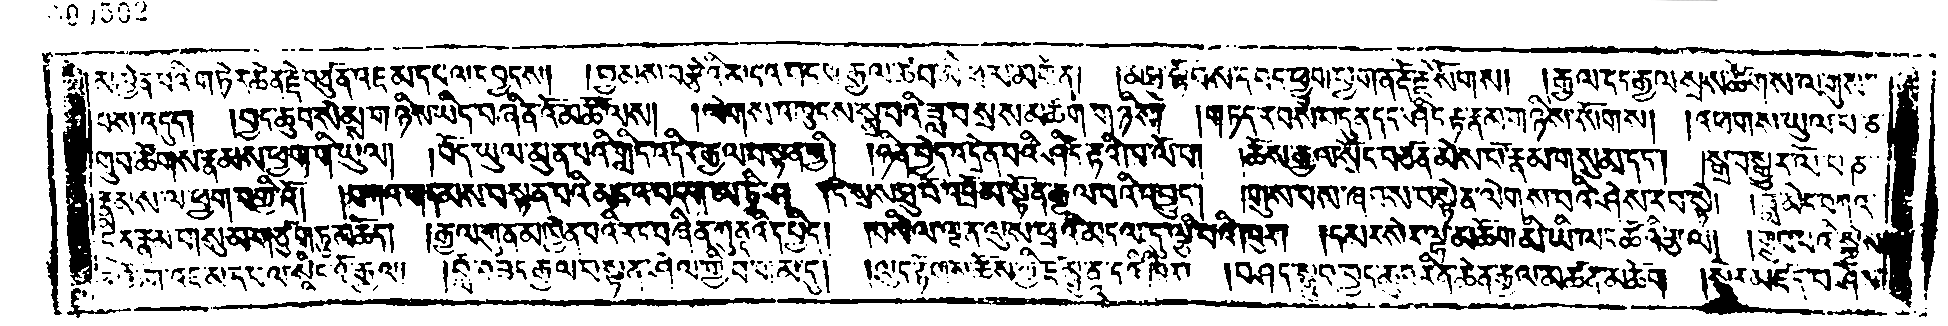མཁྱེན་པའི་གཏེར་ཆེན་རྗེ་བཙུན་འཇམ་དཔལ་དབྱངས། །བྱམས་བརྩེའི་མངའ་བདག་རྒྱལ་ཚབ་མི་ཕམ་མགོན། །མཐུ་སྟོབས་དབང་ཕྱུག་ཕྱག་ན་རྡོ་རྗེ་སོགས། །རྒྱལ་དང་རྒྱལ་སྲས་ཚོགས་ལ་གུས་
པས་འདུད། །བྱང་ཆུབ་སེམས་གཉིས་ཡིད་བཞིན་འོ་མཚོ་ལས། །ལེགས་འཁྲུངས་སྨྲ་བའི་ཟླ་བ་སྲས་མཆོག་གཉིས། །གཏད་རབས་བདུན་དང་ཤིང་རྟ་རྣམ་གཉིས་སོགས། །འཕགས་ཡུལ་པཎ་
གྲུབ་ཚོགས་རྣམས་ཕྱག་གི་ཡུལ། །བོད་ཡུལ་མུན་པའི་གླིང་འདིར་རྒྱལ་བསྟན་གྱི། །ཉིན་བྱེད་འདྲེན་པའི་ཤིང་རྟའི་ཁ་ལོ་པ། །ཆོས་རྒྱལ་སྲོང་བཙན་མེས་པོ་རྣམ་གསུམ་དང་། །སྒྲ་བསྒྱུར་ལོ་པཎ་
རྣམས་ལ་ཕྱག་བགྱིའོ། །བཀའ་གདམས་བསྟན་པའི་མངའ་བདག་ཨ་ཏི་ཤ་།དེ་སྲས་ཐུ་བོ་འབྲོམ་སྟོན་རྒྱལ་བའི་འབྱུང་། །གུས་པས་ཞབས་བསྟེན་ལེགས་པའི་ཤེས་རབ་སྟེ། །ཟླ་མེད་བཀའ་
དྲིན་རྣམ་གསུམ་གཙུག་ཏུ་མཆོད། །རྒྱལ་ཀུན་མཁྱེན་པའི་རང་བཞིན་ཀུན་དའི་དཔྱིད། །བསིལ་ལྡན་ལུས་ཕྲའི་མངལ་དུ་ལྕི་བའི་ཁུར། །དམར་སེར་ལྷ་མཆོག་མི་ཡི་ལང་ཚོའི་རྩལ། །གྲུབ་པའི་སྐྱེས་
མཆོག་འཇམ་དཔལ་སྙིང་པོ་རྒྱལ། །བློ་བཟང་རྒྱལ་བསྟན་ཤེལ་གྱི་བ་གམ་དུ། །ལུང་རྟོགས་ཆོས་ཀྱི་ཛམྦུ་ནཱ་དའི་ཁྲིར། །བཤད་སྒྲུབ་བྱང་ཆུབ་རིན་ཆེན་རྒྱལ་མཚན་མཆོག །སྟེར་མཛད་བཤེས་